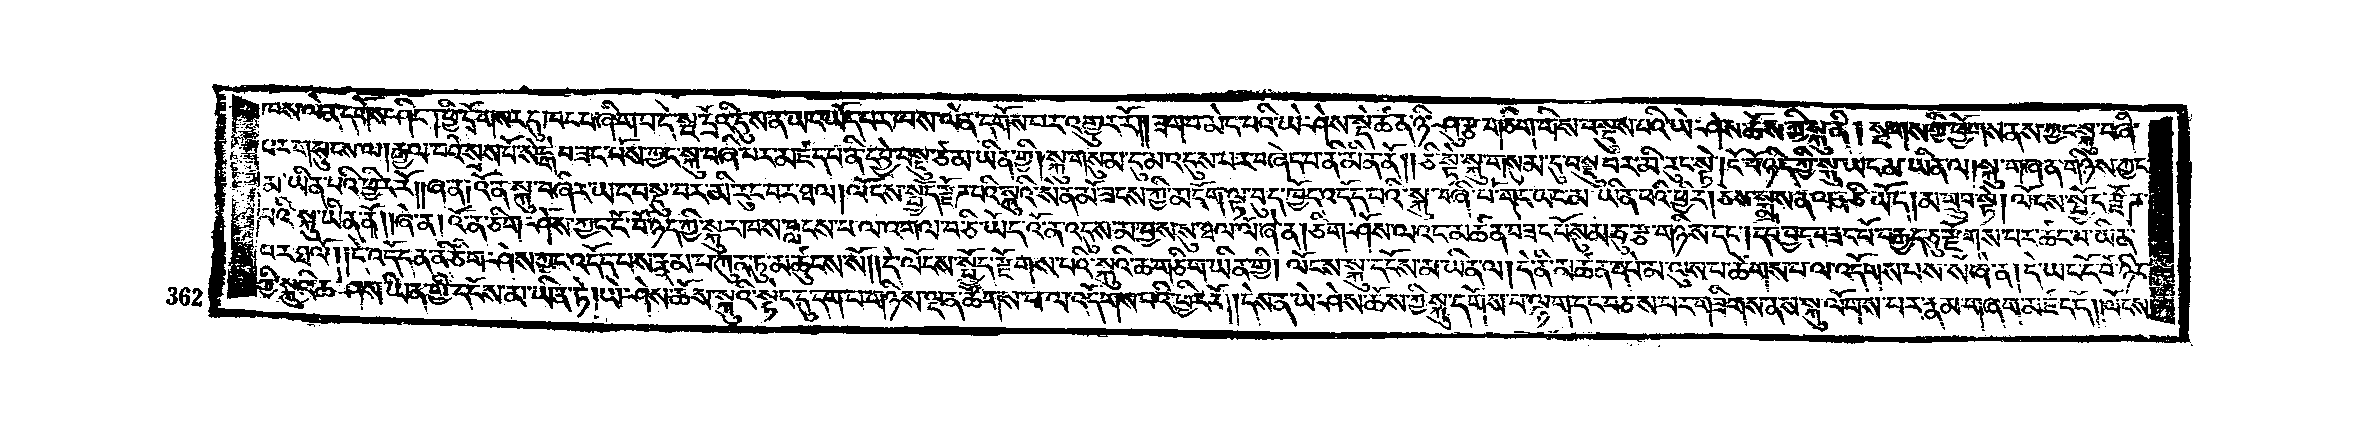ཁས་ལེན་དགོས་ཤིང་། ཕྱི་དྲོ་གསར་དུ་ཁང་པ་ཞིག་པ་དེ་སྔ་དྲོའི་དུས་ན་ཡང་ཡོད་པར་ཁས་ལེན་དགོས་པར་འགྱུར་རོ། །ཟག་པ་མེད་པའི་ཡེ་ཤེས་སྡེ་ཚན་ཉིད་ཤུ་རྩ་གཅིག་གིས་བསྡུས་པའི་ཡེ་ཤེས་ཆོས་ཀྱི་སྐུ་ནི། སྔགས་ཀྱི་ཕྱོགས་ནས་ཀྱང་སྐུ་བཞི་
པར་གསུངས་ལ། རྒྱལ་བའི་སྲས་པོ་སེངགེ་བཟང་པོས་ཀྱང་སྐུ་བཞི་པར་མཛད་པ་ནི་དབྱེ་བསྡུ་ཙམ་ཡིན་གྱི་།སྐུ་གསུམ་དུ་མ་འདུས་པར་བཞེད་པ་ནི་མིན་ནོ། །ཅི་སྟེ་སྐུ་གསུམ་དུ་བསྡུ་བར་མི་རུང་སྟེ། ངོ་བོ་ཉིད་ཀྱི་སྐུ་ཡང་མ་ཡིན་ལ། སྐུ་གཞན་གཉིས་ཀྱང་
མ་ཡིན་པའི་ཕྱིར་རོ། །ཞེ་ན། འོ་ན་སྐུ་བཞིར་ཡང་བསྡུ་བར་མི་རུང་བར་ཐལ། ལོངས་སྤྱོད་རྫོགས་པའི་སྐུའི་སེན་མོ་ཟངས་ཀྱི་མདོག་ལྟ་བུ་དེ་ཁྱོད་འདོད་པའི་སྐུ་བཞི་པོ་གང་ཡང་མ་ཡིན་པའི་ཕྱིར། ཅེས་སྨྲས་ན་ལན་ཅི་ཡོད། མ་གྲུབ་སྟེ། ལོངས་སྤྱོད་རྫོགས་
པའི་སྐུ་ཡིན་ནོ། །ཞེ་ན། འོ་ན་ཅིག་ཤེས་ཀྱང་ངོ་བོ་ཉིད་ཀྱི་སྐུར་ཁས་བླངས་པ་ལ་འགལ་བ་ཅི་ཡོད་འོ་ན་འདུས་མ་བྱས་སུ་ཐལ་ལོ་ཞེ་ན། ཅིག་ཤོས་ལའང་མཚན་བཟང་པོ་སུམ་ཅུ་རྩ་གཉིས་དང་། དཔེ་བྱད་བཟང་པོ་བརྒྱད་ཅུ་རྫོགས་པར་ཚང་པ་ཡིན་
པར་ཐལ་ལོ། །དེ་འདོད་ན་ནི་ཅིག་ཤེས་ཀྱང་འདོད་པས་རྣམ་པ་ཀུན་ཏུ་མཚུངས་སོ། །དེ་ལོངས་སྤྱོད་རྫོགས་པའི་སྐུའི་ཆ་གཅིག་ཡིན་གྱི་།ལོངས་སྐུ་དངོས་མ་ཡིན་ལ། དེ་ནི་མཚན་དཔེ་མ་ལུས་པ་ཚོགས་པ་ལ་འདོགས་པས་སོ་ཞེ་ན། དེ་ཡང་ངོ་བོ་ཉིད་
ཀྱི་སྐུའི་ཆ་ཤེས་ཡིན་གྱི་དངོས་མ་ཡིན་ཏེ། ཡེ་ཤེས་ཆོས་སྐུའི་སྟེང་དུ་དག་པ་གཉིས་ལྡན་ཚོགས་པ་ལ་འདོགས་པའི་ཕྱིར་རོ། །དེས་ན་ཡེ་ཤེས་ཆོས་ཀྱི་སྐུ་དགོས་པ་ལྷག་དང་བཅས་པར་གཟིགས་ནས་སྐུ་ལོགས་པར་རྣམ་གཞག་མཛད་དོ། །ལོངས་